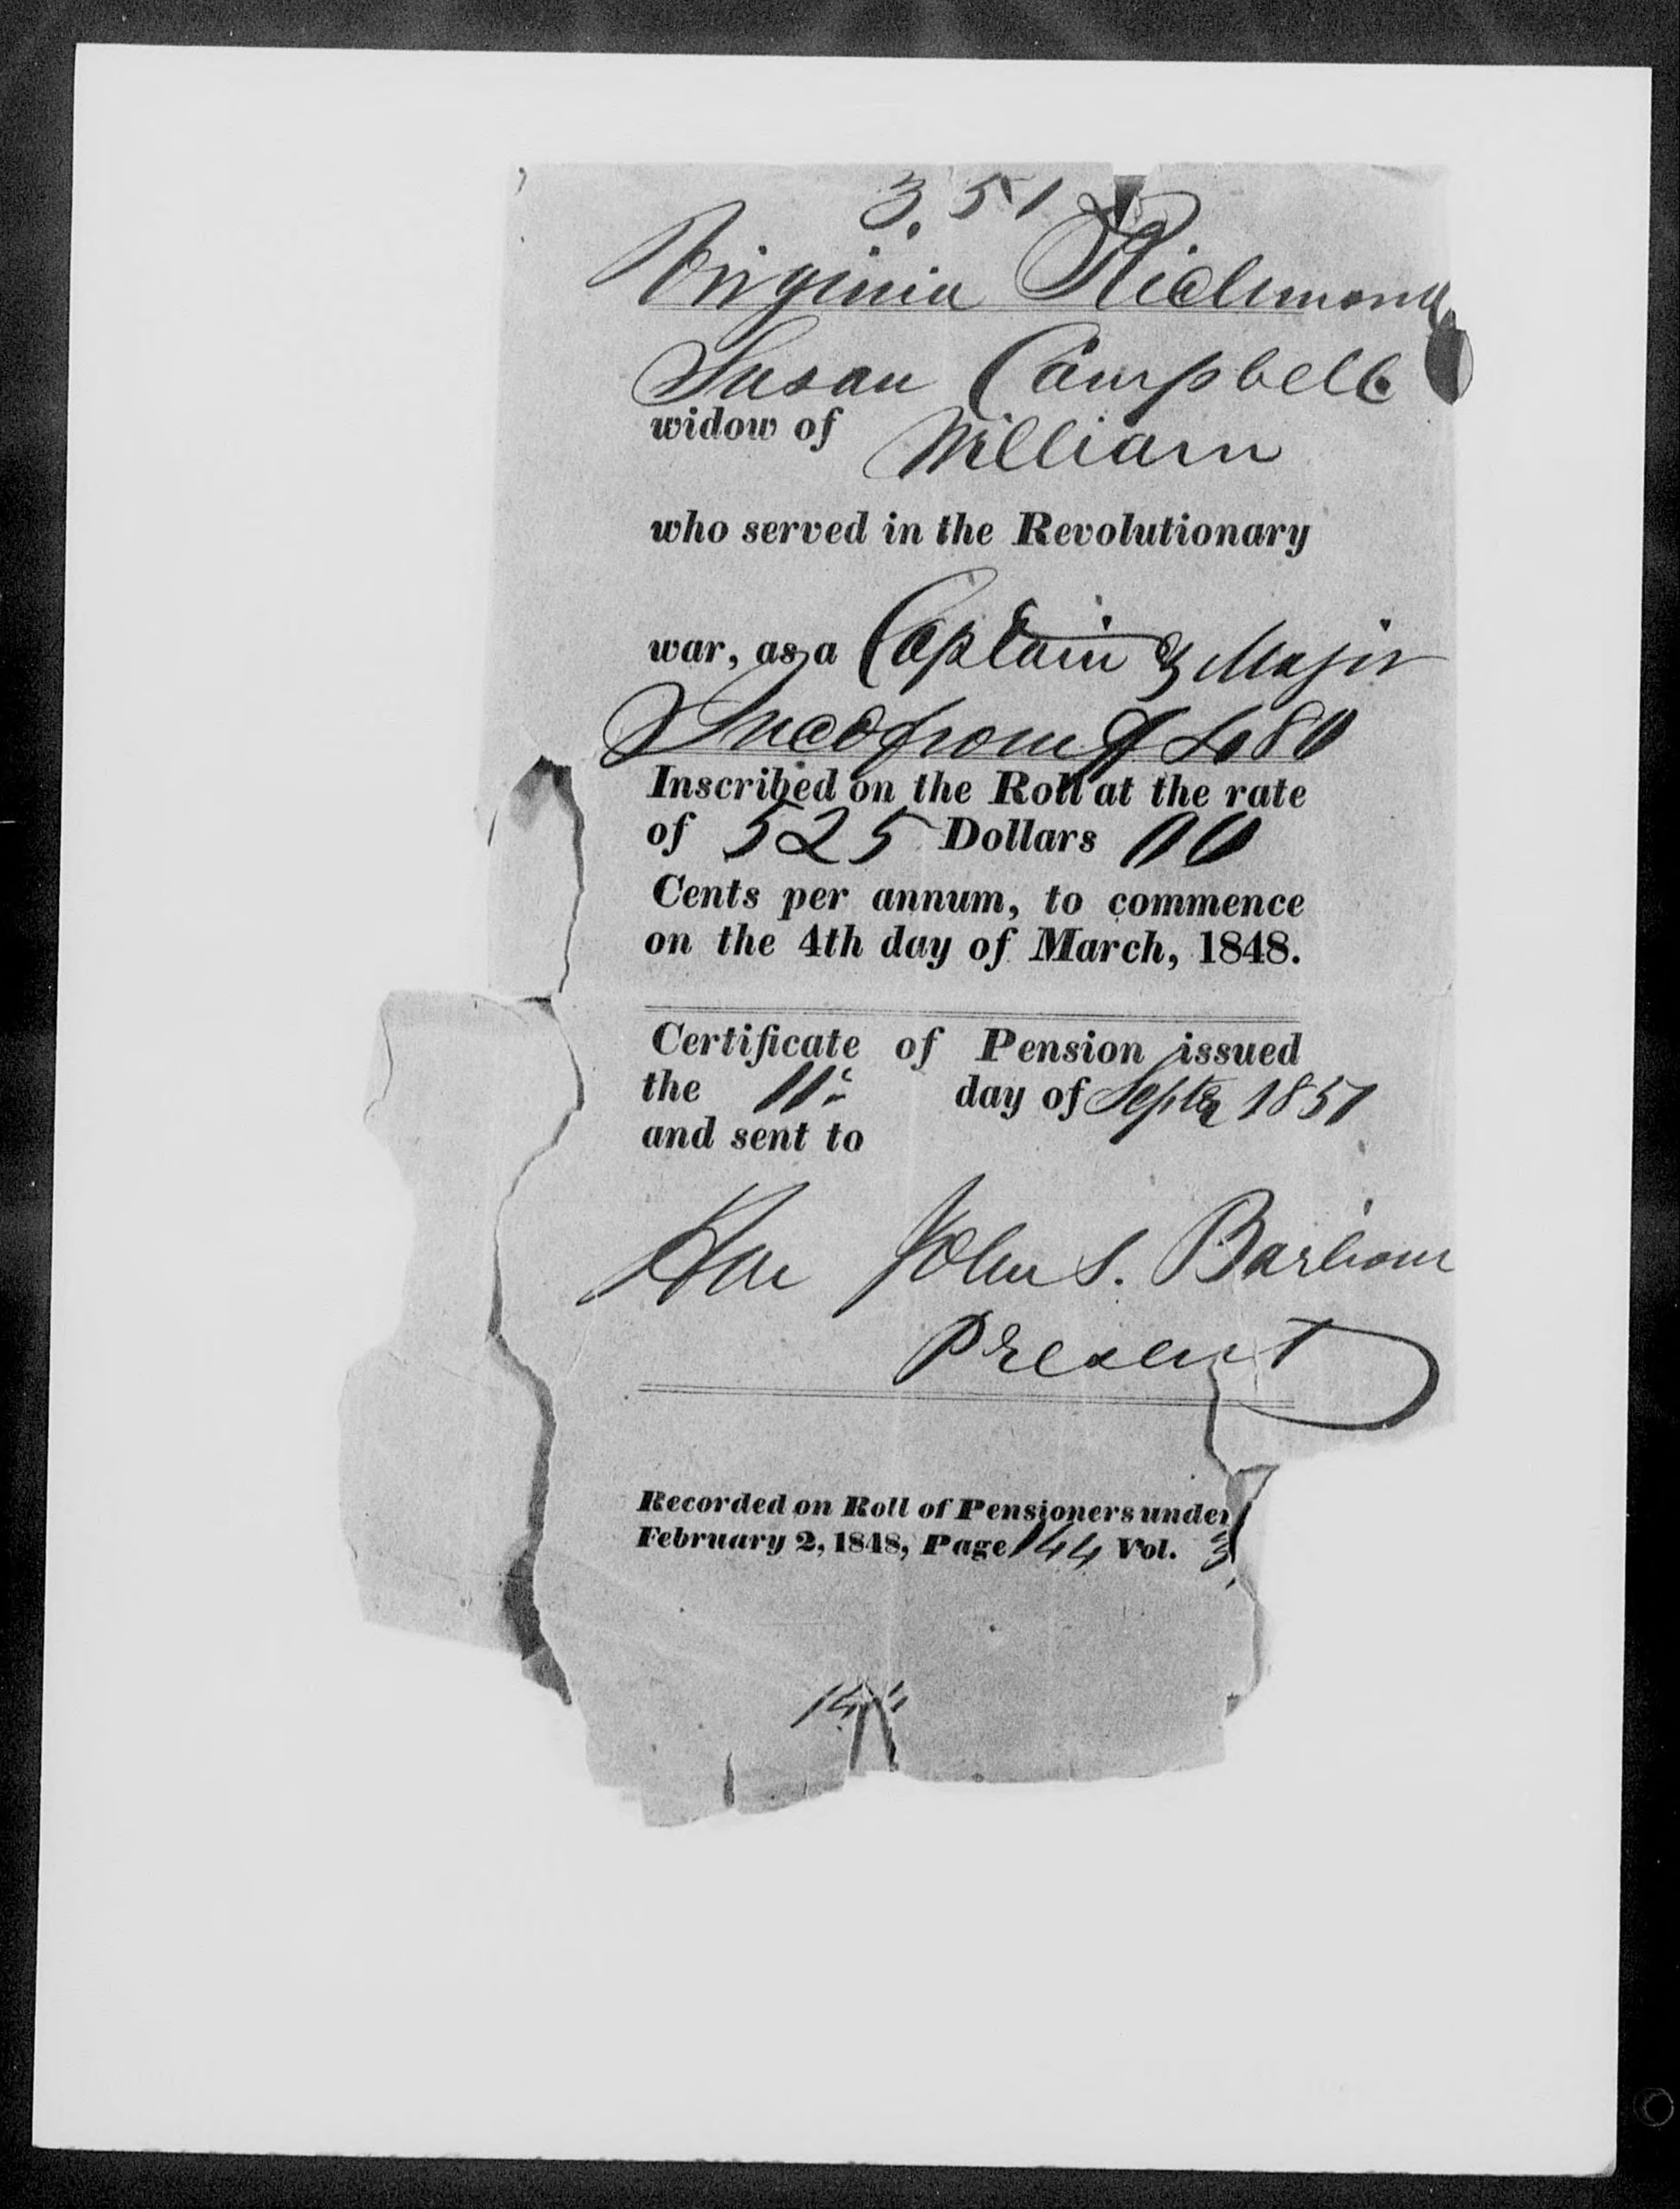3 51
Virginia Richmond
Susan Campbell
widow of William
who served in the Revolutionary Was, as a Captain & {and] Major Incd from A [beginning] to 80
Inscribed on the Roll at the rate of 525 Dollars 00 Cents per annum, to commence on 4th day of March, 1848.
[double horizontal lines across page]
Certificate of Pension issued the 11th day of Septr 1851 and sent to 

Hon John S. Barbour
present
[double horizontal lines across page]

Recorded on Roll of Pensioners under [page torn away] February 2, 1848, Page 144 Vol. 3 [page torn away so number may be incomplete]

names: William Campbell, Susan Campbell, John S Barbour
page: 50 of 267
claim: widow's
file: W. 4,149, William Campbell, Va.